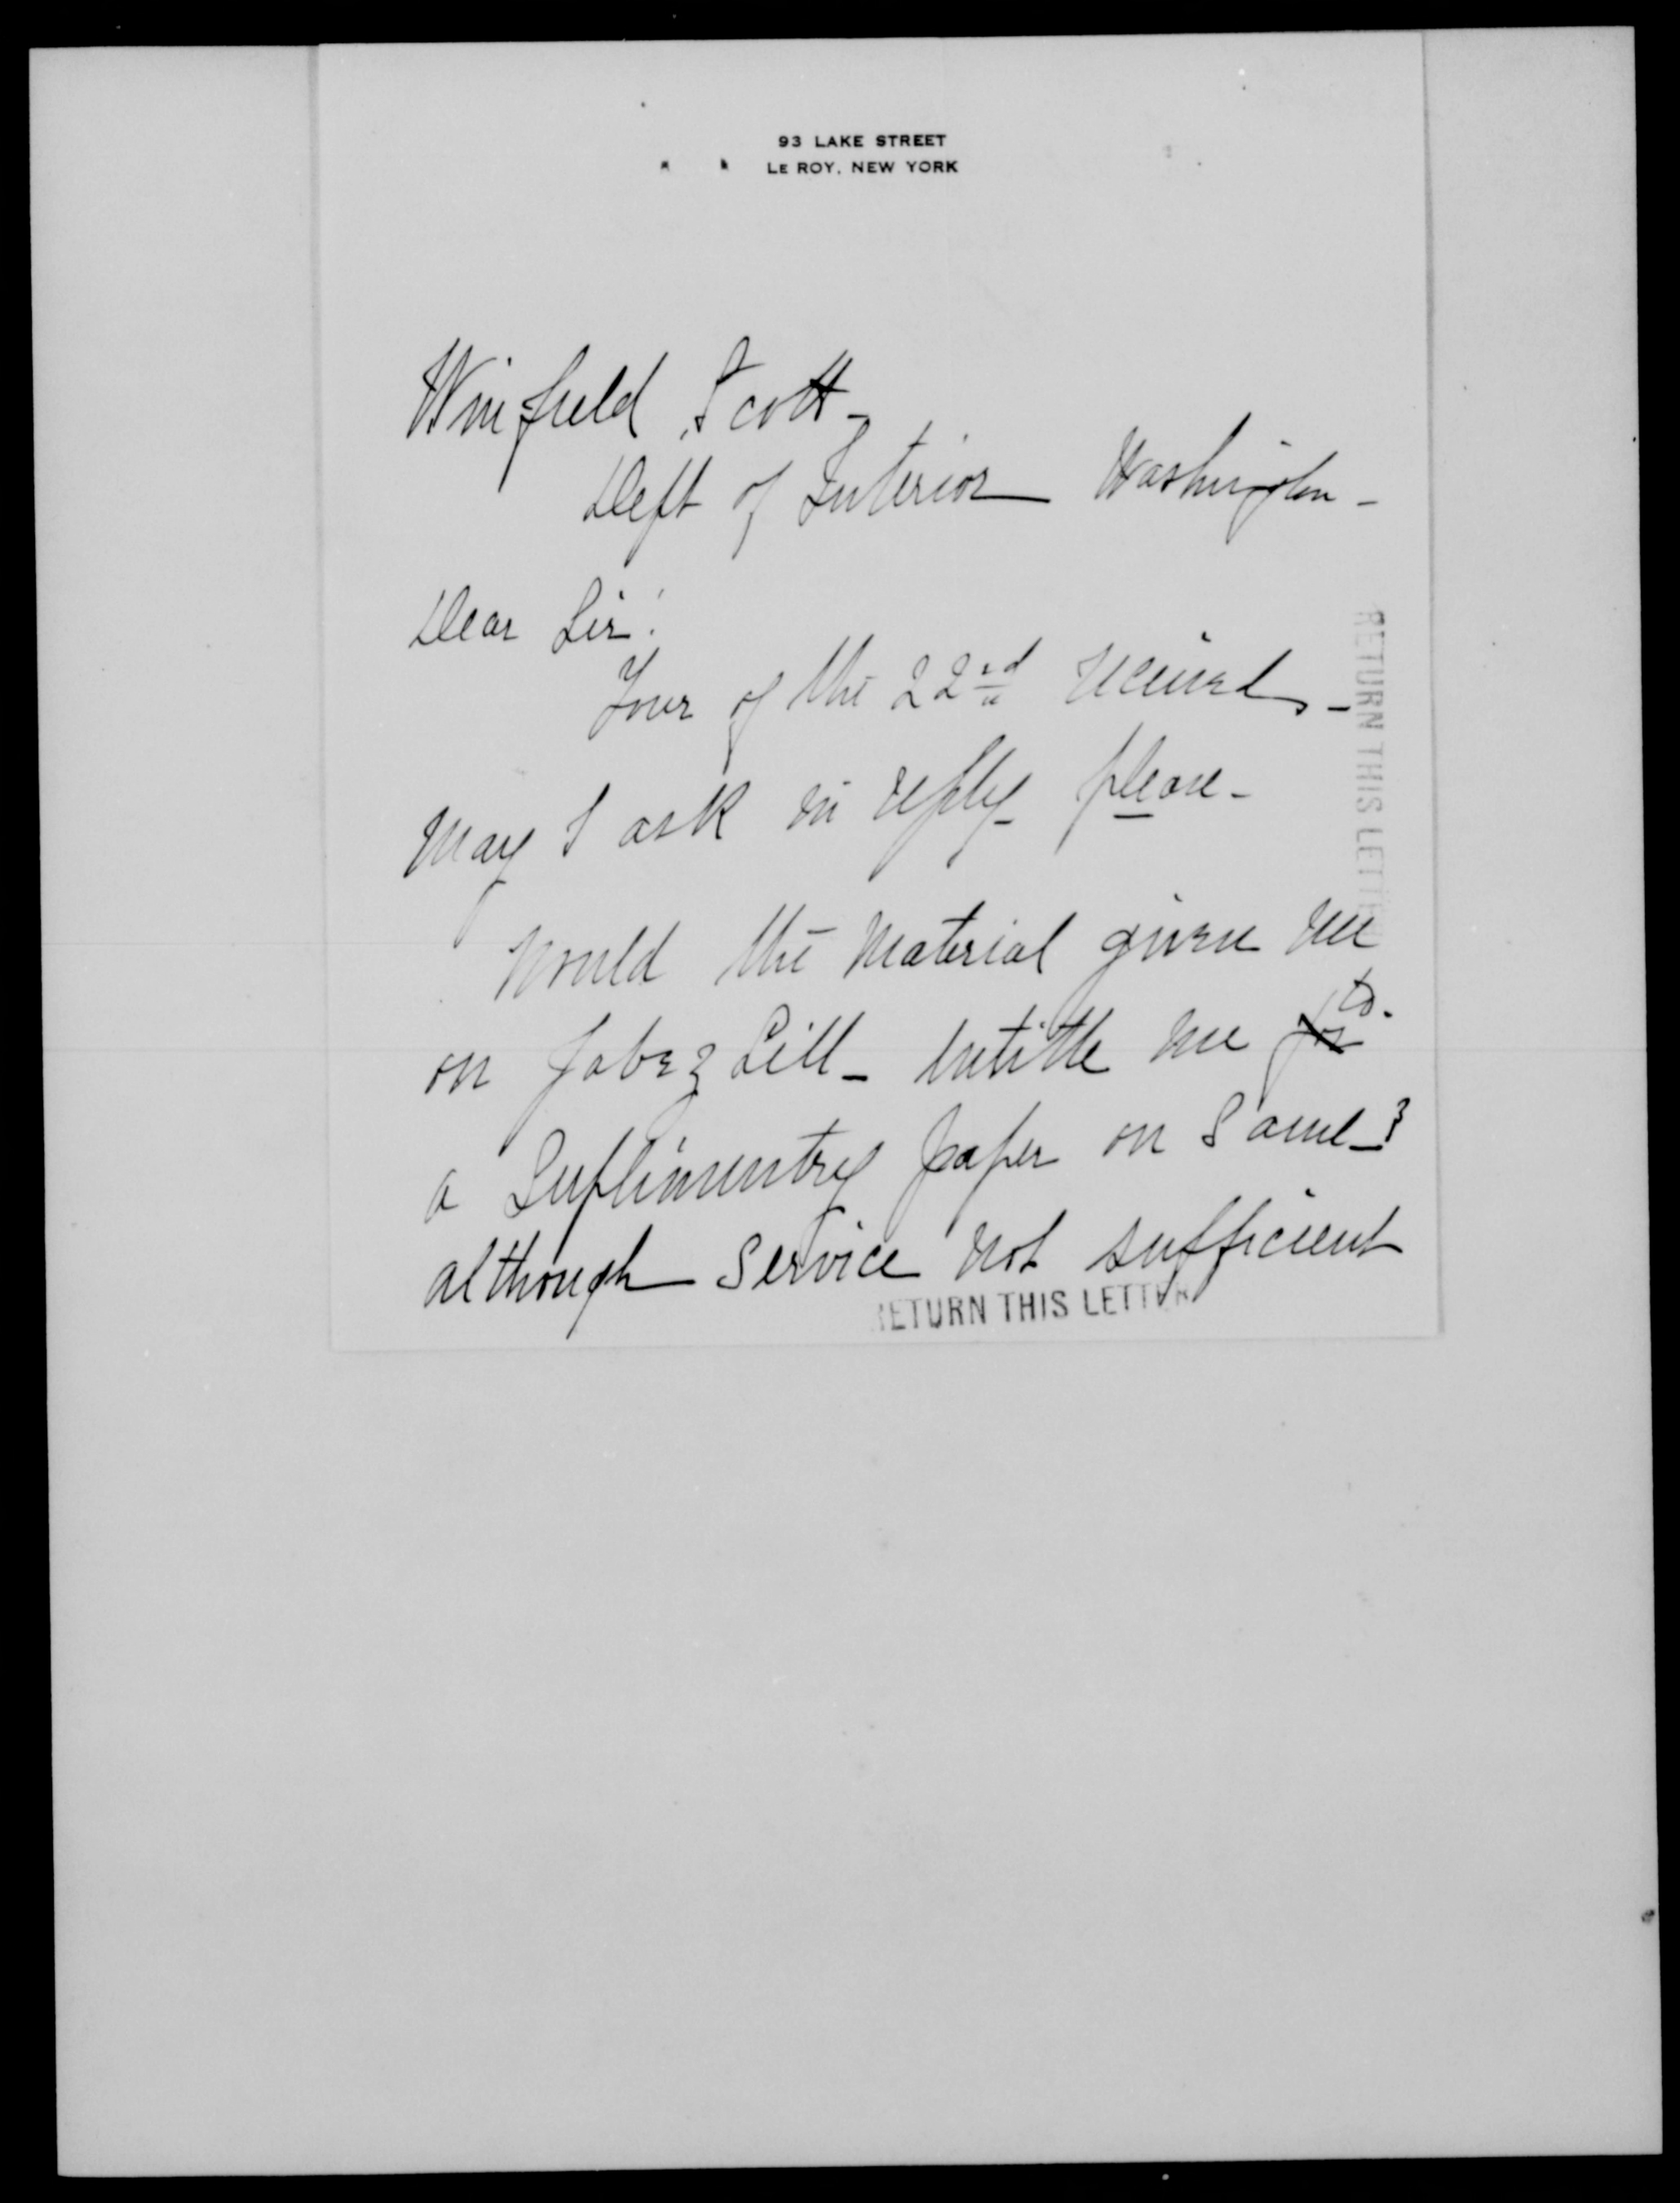93 LAKE STREET
Le ROY, NEW YORK

Winfield Scott,
Dept of Interior Washington

Dear Sir:

Your of the 22nd received.  May I ask in reply please.

Would the material given me on Jabez Sill entitle me to a suplimentry paper on same? although service not sufficient

RETURN THIS LETTER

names: Saml [BLANK]; Winfield Scott; Jabez Sill; Japer [BLANK]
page: 18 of 29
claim: rejected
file: R. 9570, for Jabez Sill, Connecticut